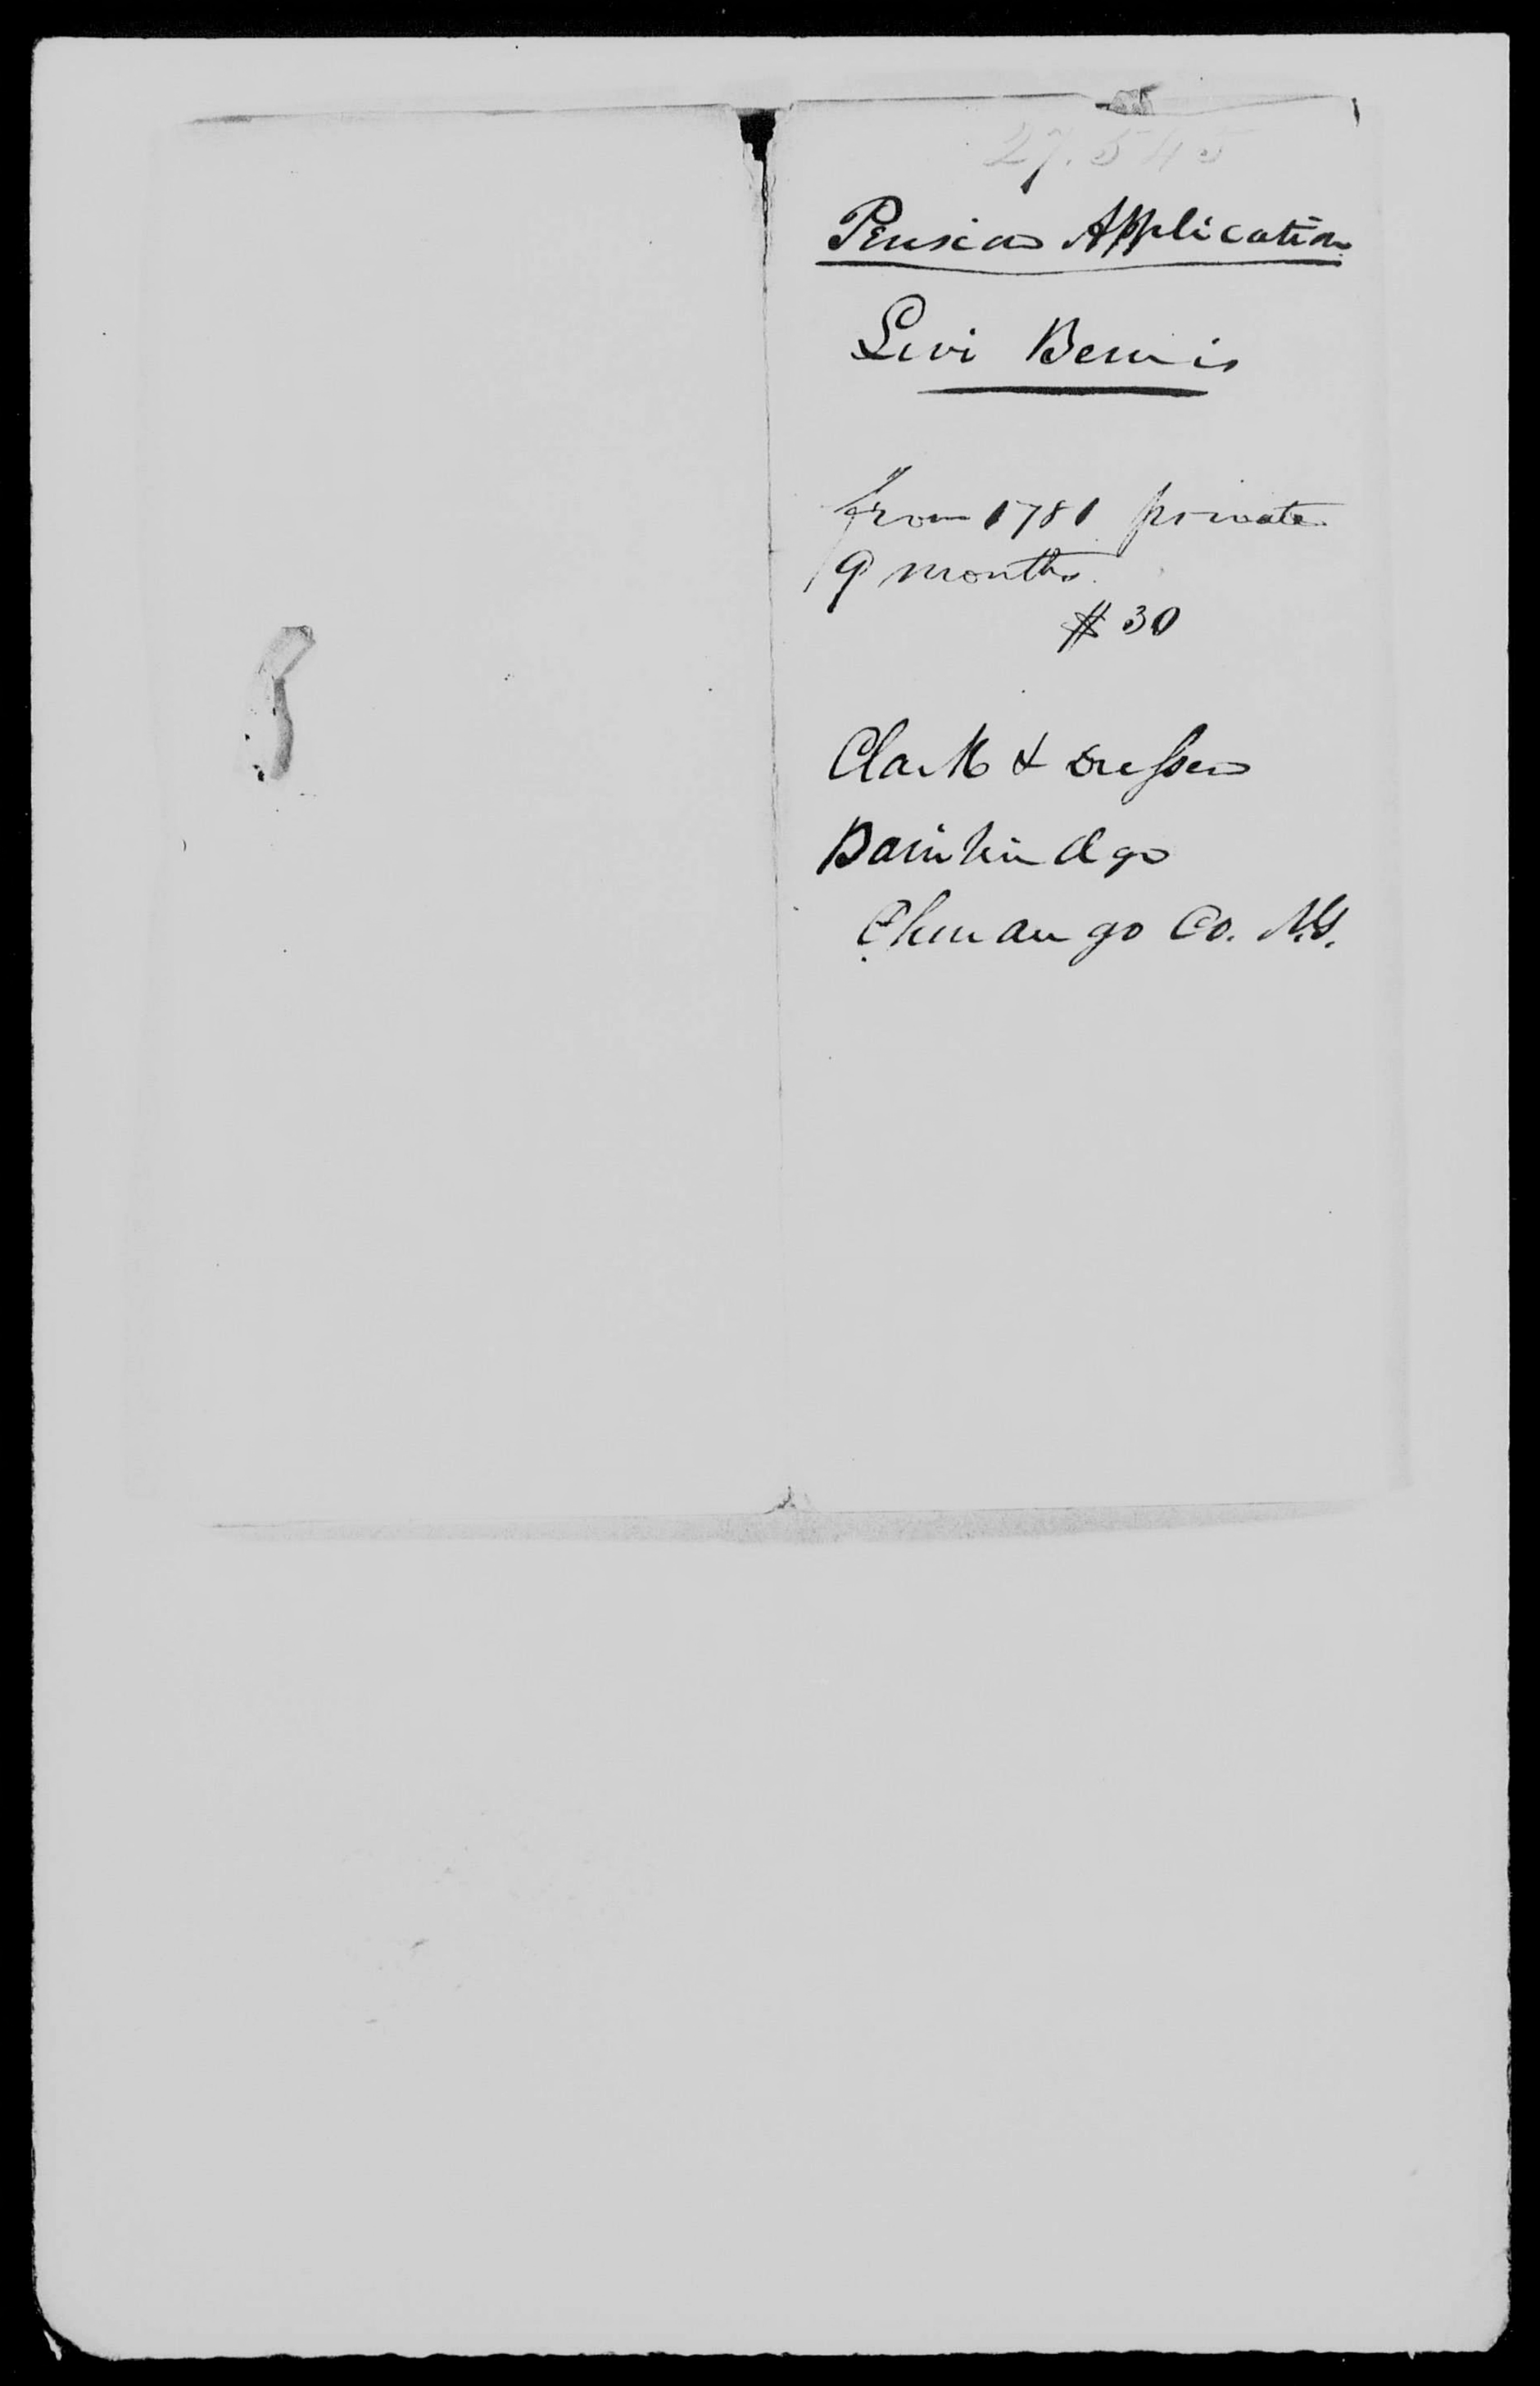27.545 [faint]

Pension Application [underlined]
Levi Bemis [underlined]

from 1781  private
9 months
$30

Clark & Dusser
Dainbridge
Chenango Co. N.Y.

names: Levi Bemis, Dresser, Clark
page: 8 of 14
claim: survivor's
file: S. 32116, Levi Bemis, Vt.